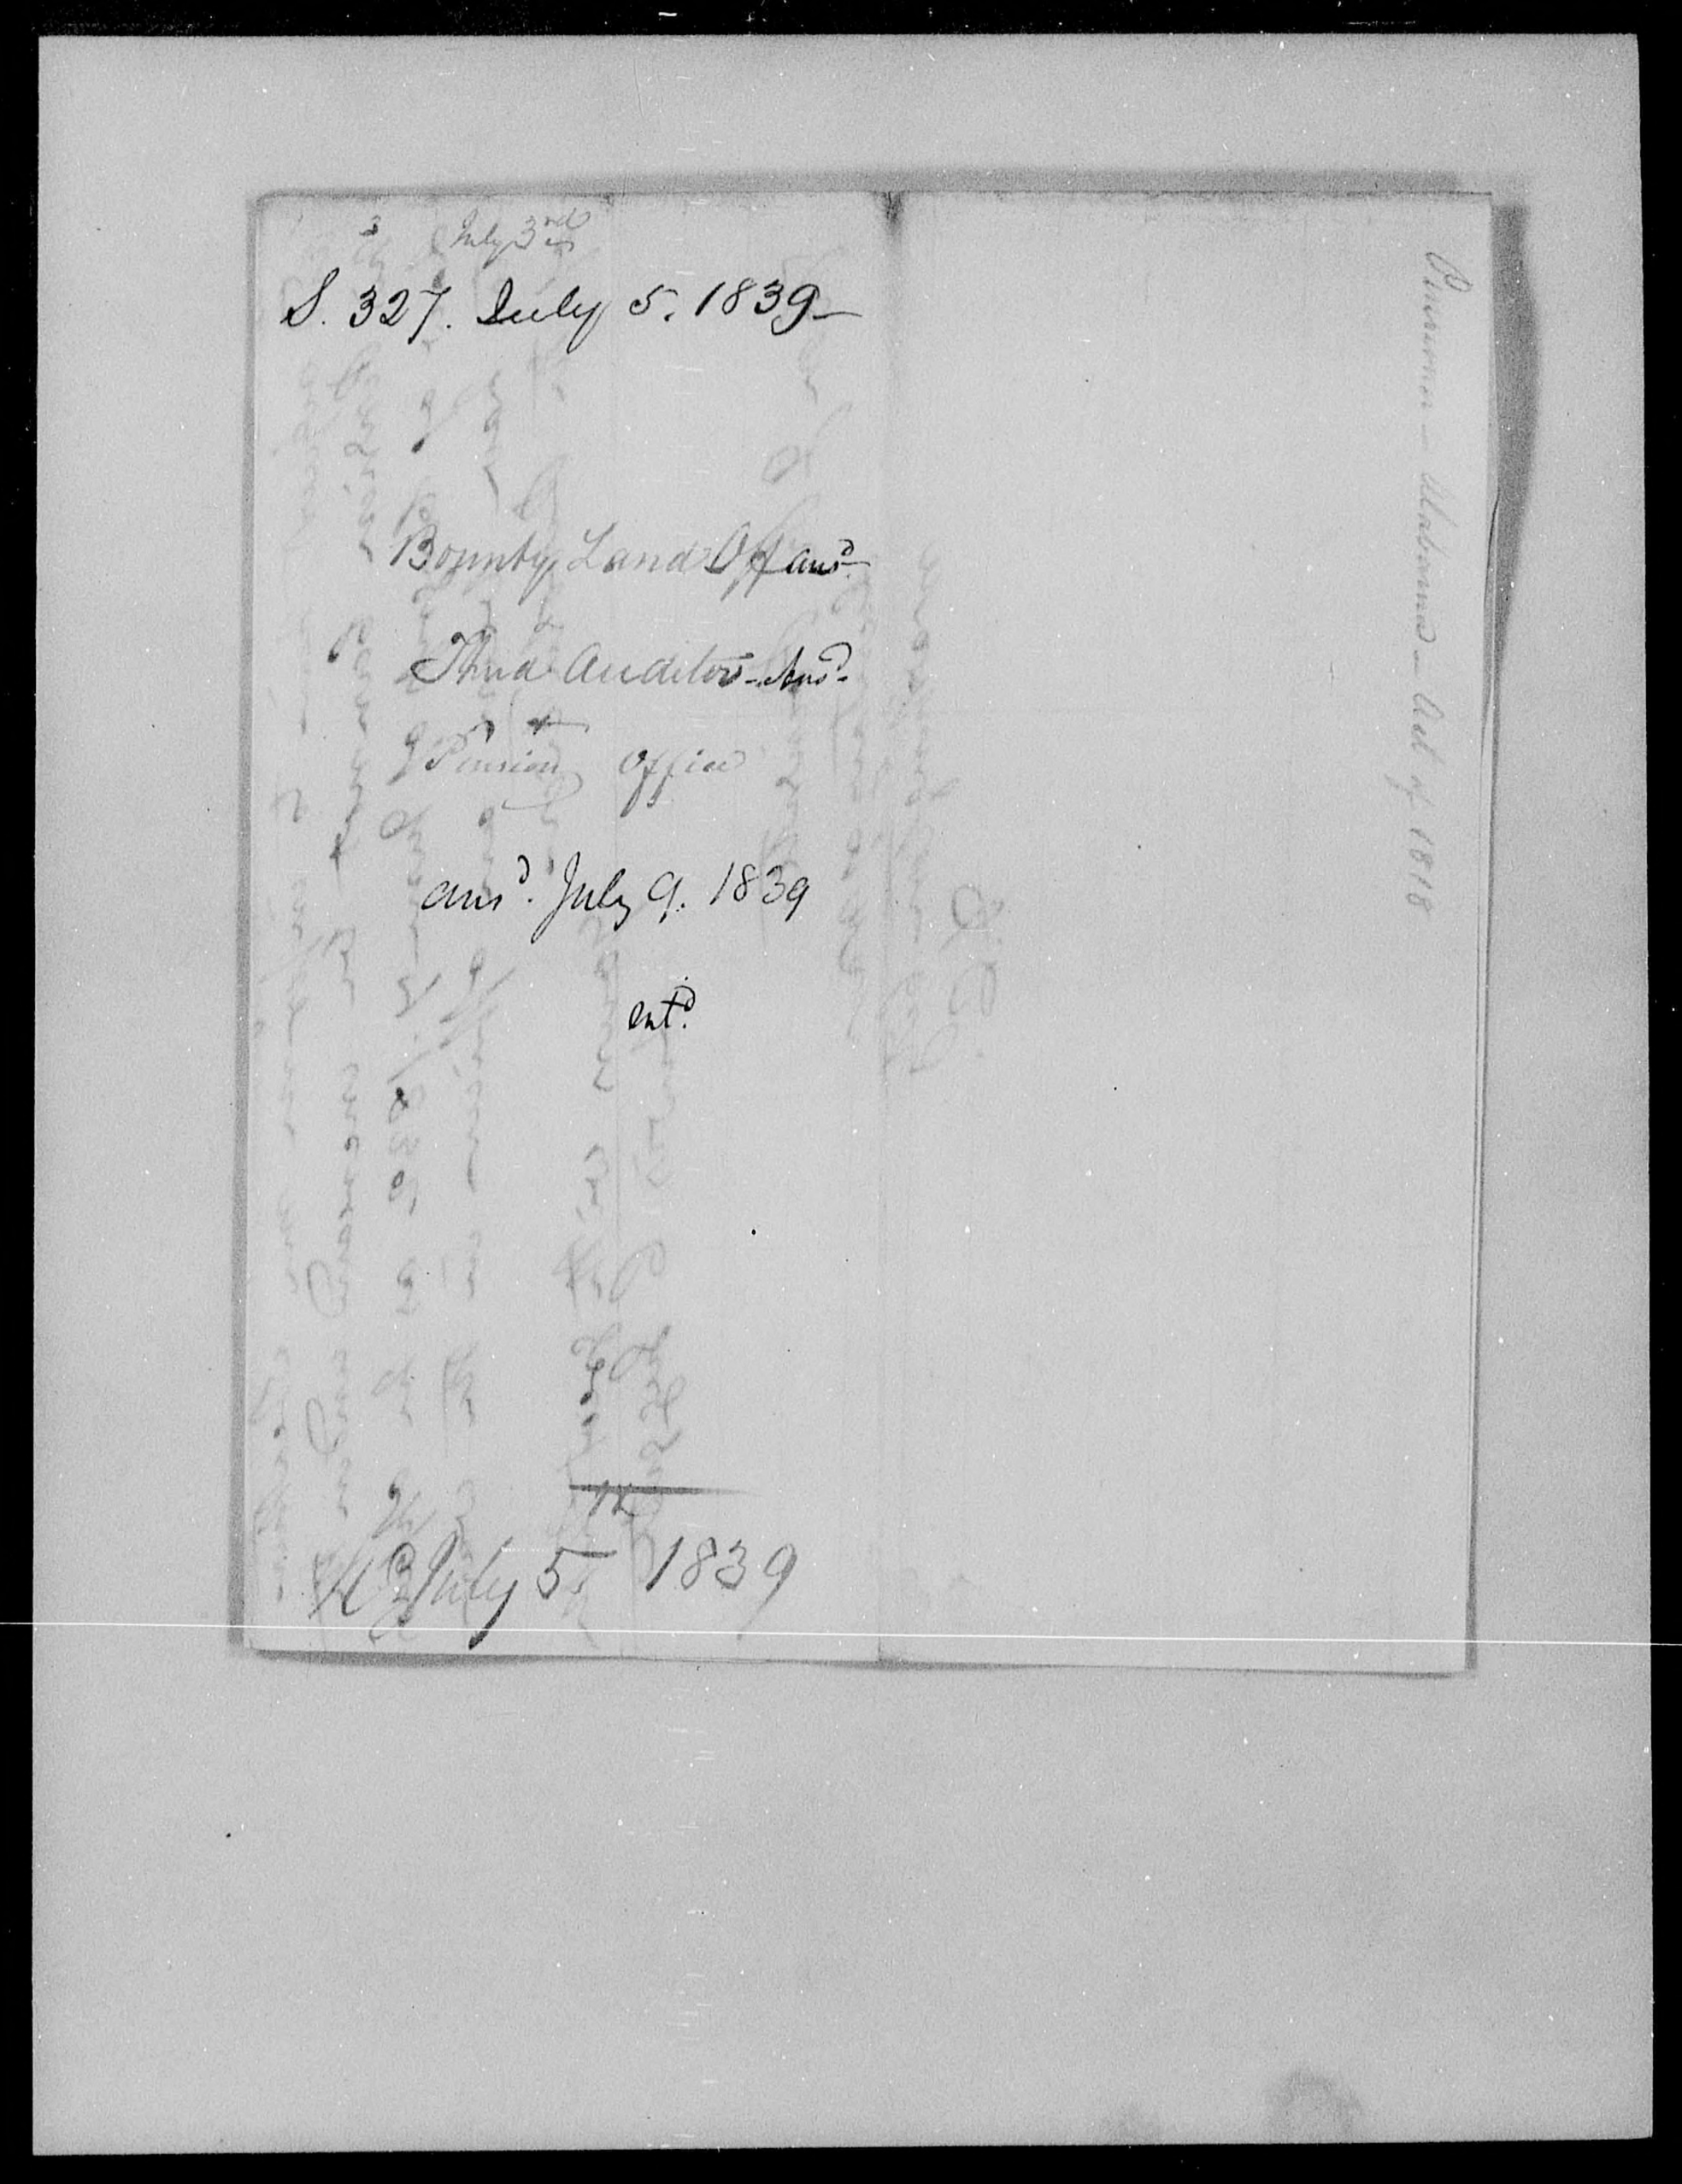July 3rd
S. 327  . July 5, 1839-
-

Bounty Land Office Ansd
Third Auditor Ansd
Pension Office 
ansd July 9. 1839
entd
July 5th
1839

Alabama-- Act of 1818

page: 23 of 25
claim: survivor's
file: S. 38109, for Thomas Keates, Maryland